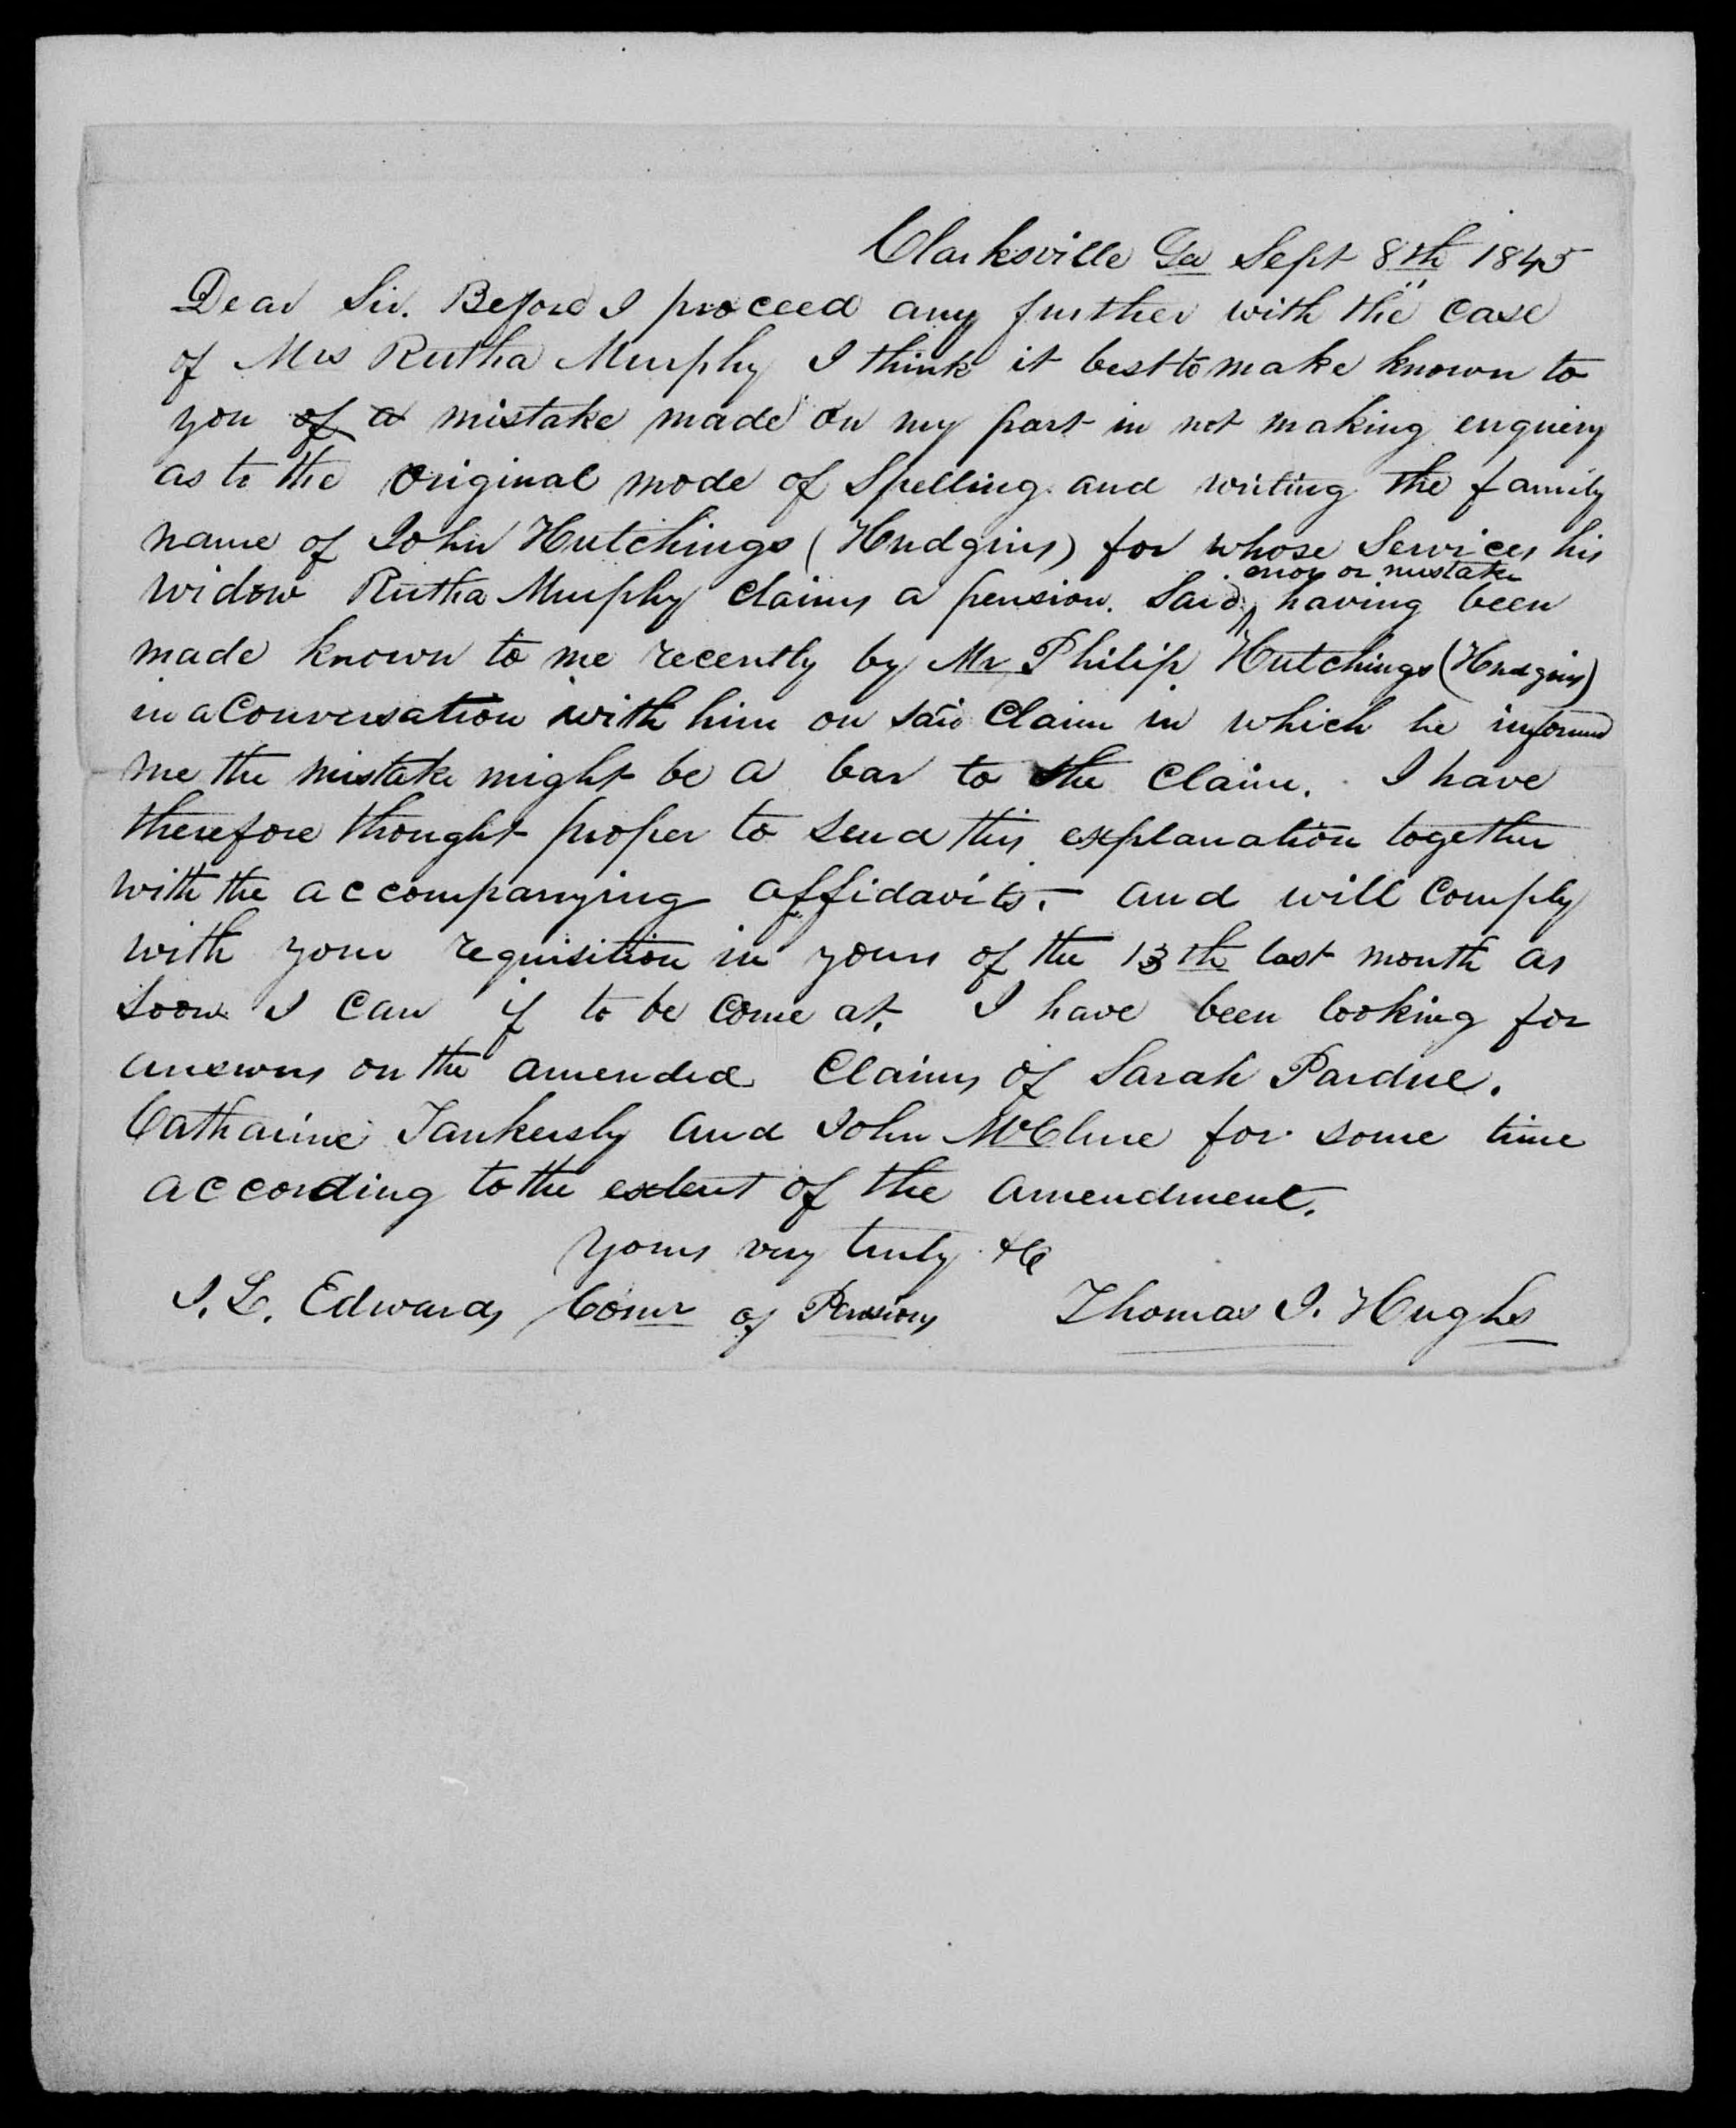Clarksville Ga Sept 8th 1845

Dear Sir, Before I proceed any further with the case of Mrs. Rutha Murphy I think it best to make known to you of a mistake made on my part in not making inquiry as to the original mode of spelling and writing the family name of John Hutchins (Hudgins) for whose services his widow Rutha Murphy claims a pension. Said may or mistake (this was inserted above the next two words) having been made known to me recently by Mr. Philip Hutchings (Hudgins) in a conversation with him on his claim in which he informed me the mistake might be a bar to the claim.  I have therefore thought proper to send this explanation together with the accompanying affidavit, and will comply with your requid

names: John Mc Clure, Philip Hutchings, John Hudgins, Thomas J Hughes, Sarah Pardue, Catharine Tankersly, Rutha Murphy, Philip Hudgins, J L Edwards, John Hutchings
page: 29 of 108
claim: rejected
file: R. 7,515, John Hudgins, N.C.